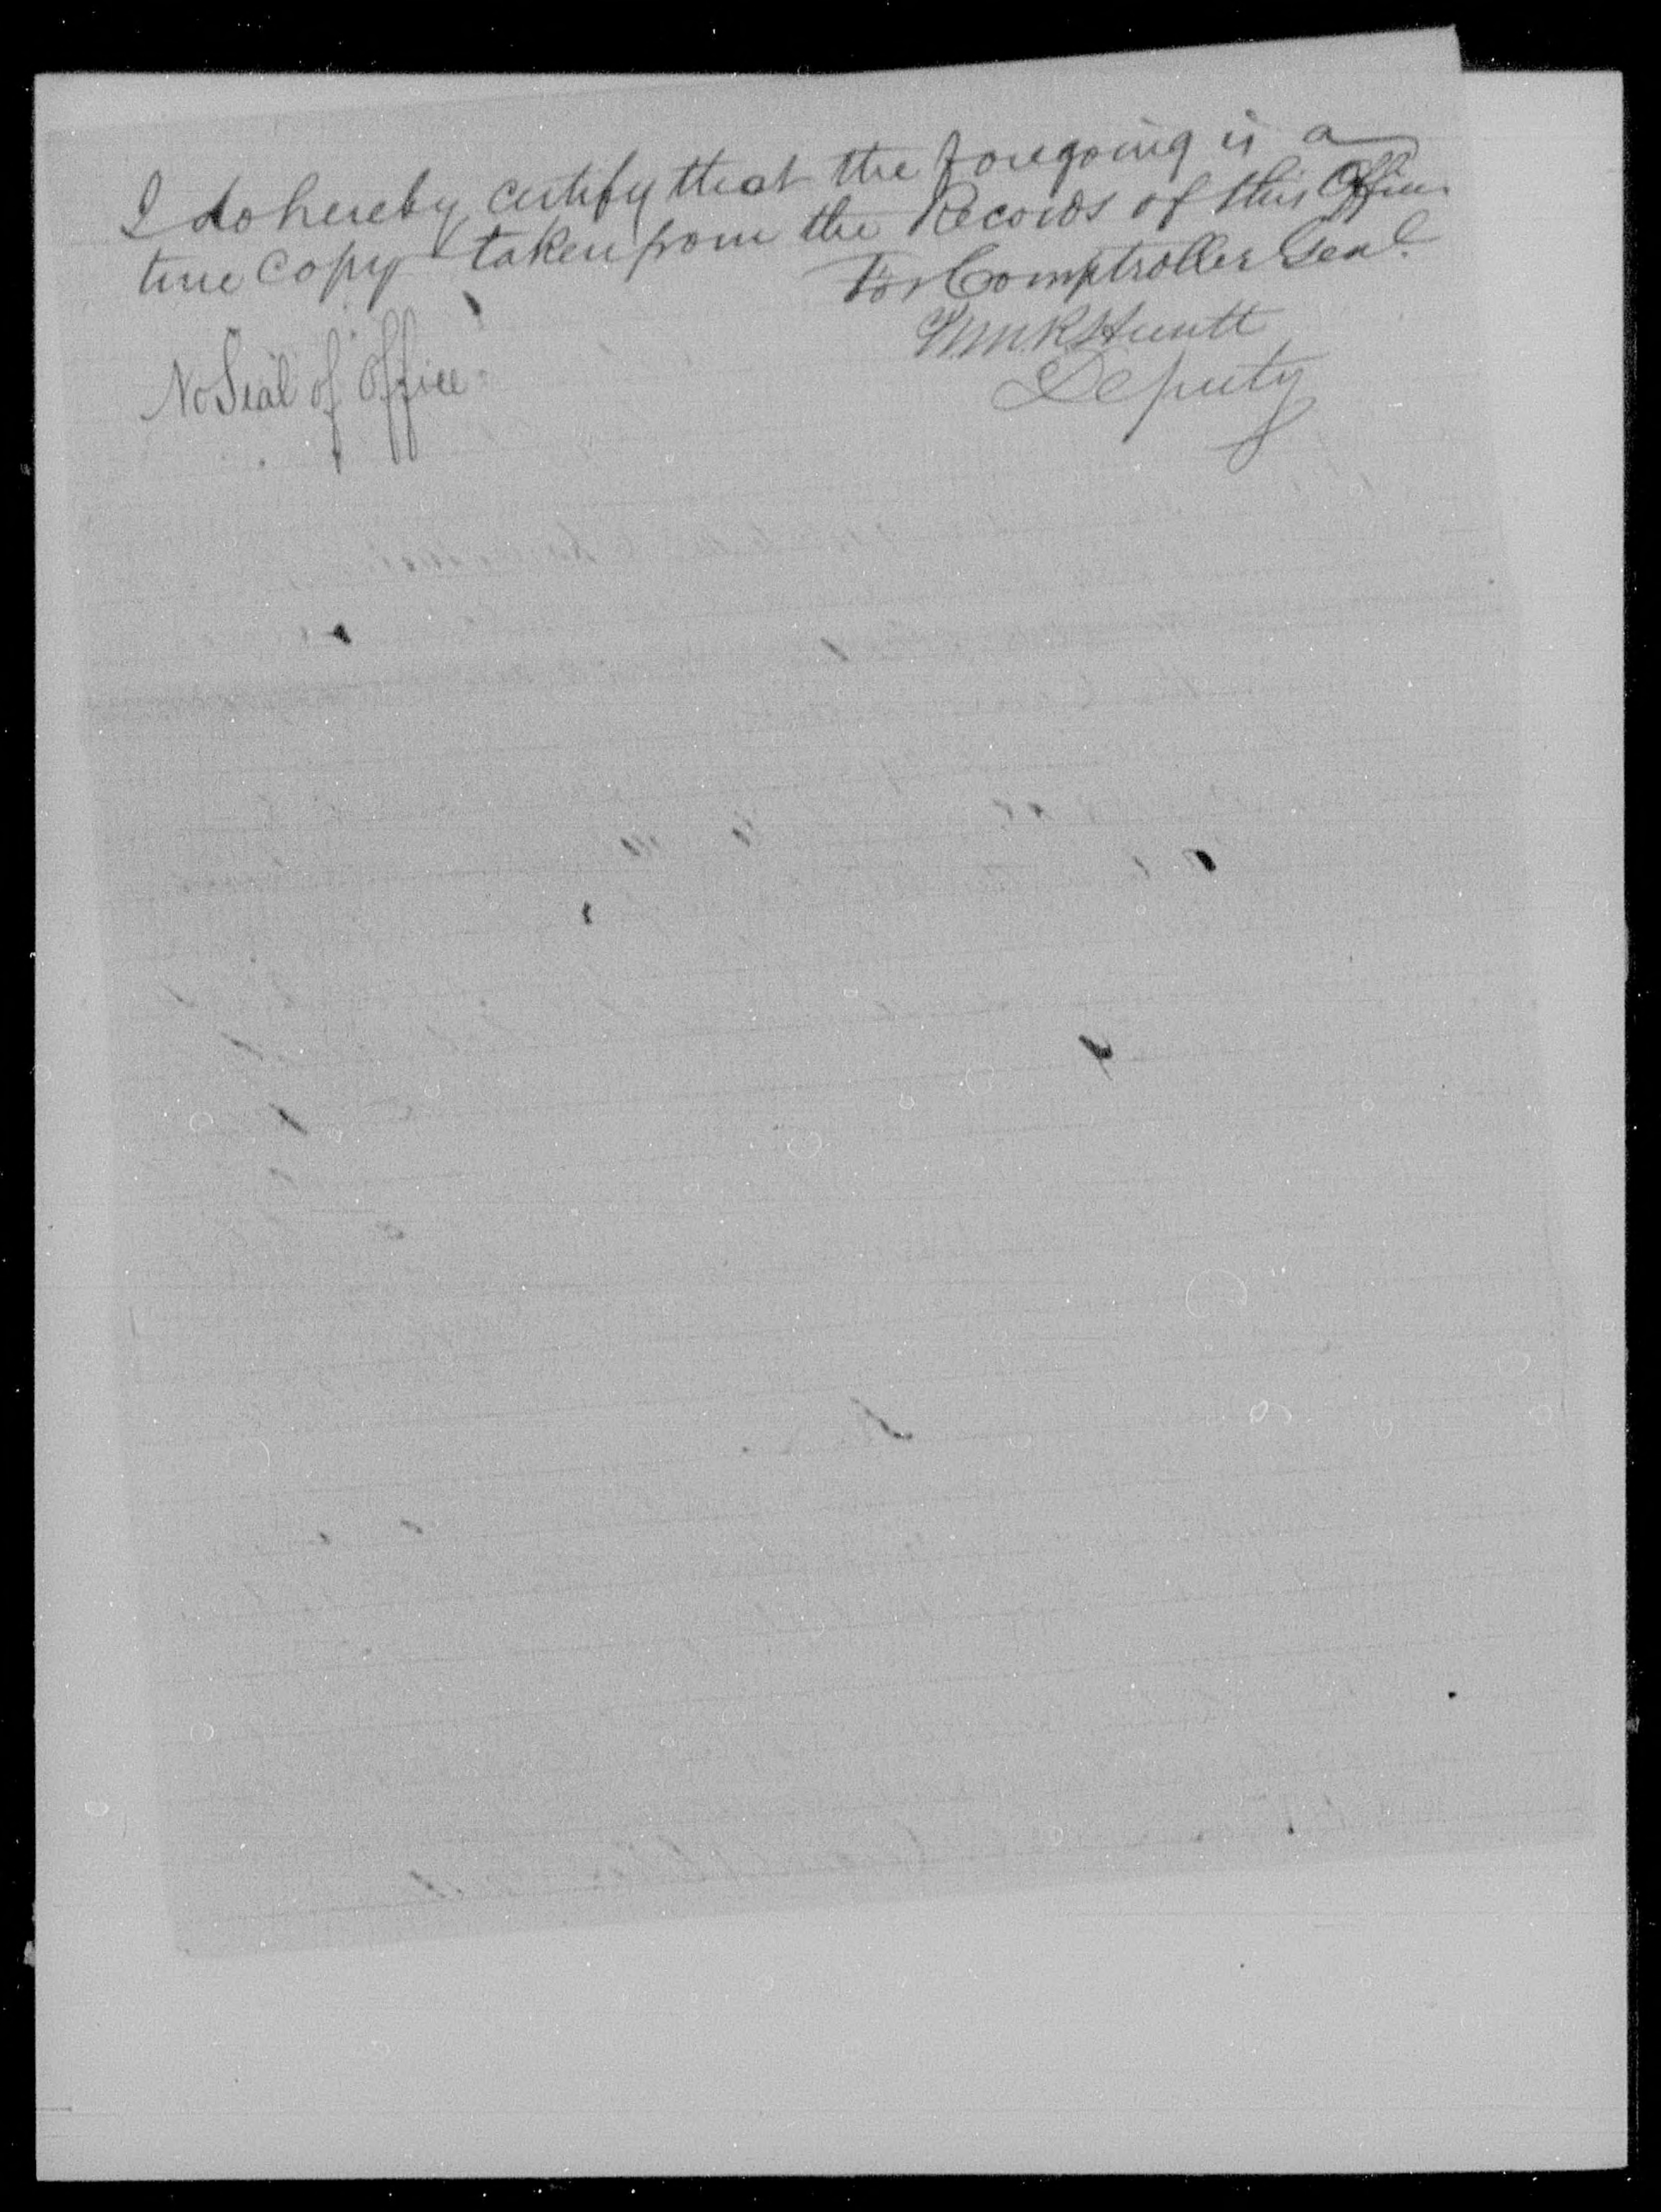I do hereby certify that the foregoing is a true copy taken from the Records of this Office 
For Comptroller Genl. (illegible) Deputy
No Seal of Office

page: 15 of 19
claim: rejected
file: R. 10474, for Charles Teulon, South Carolina